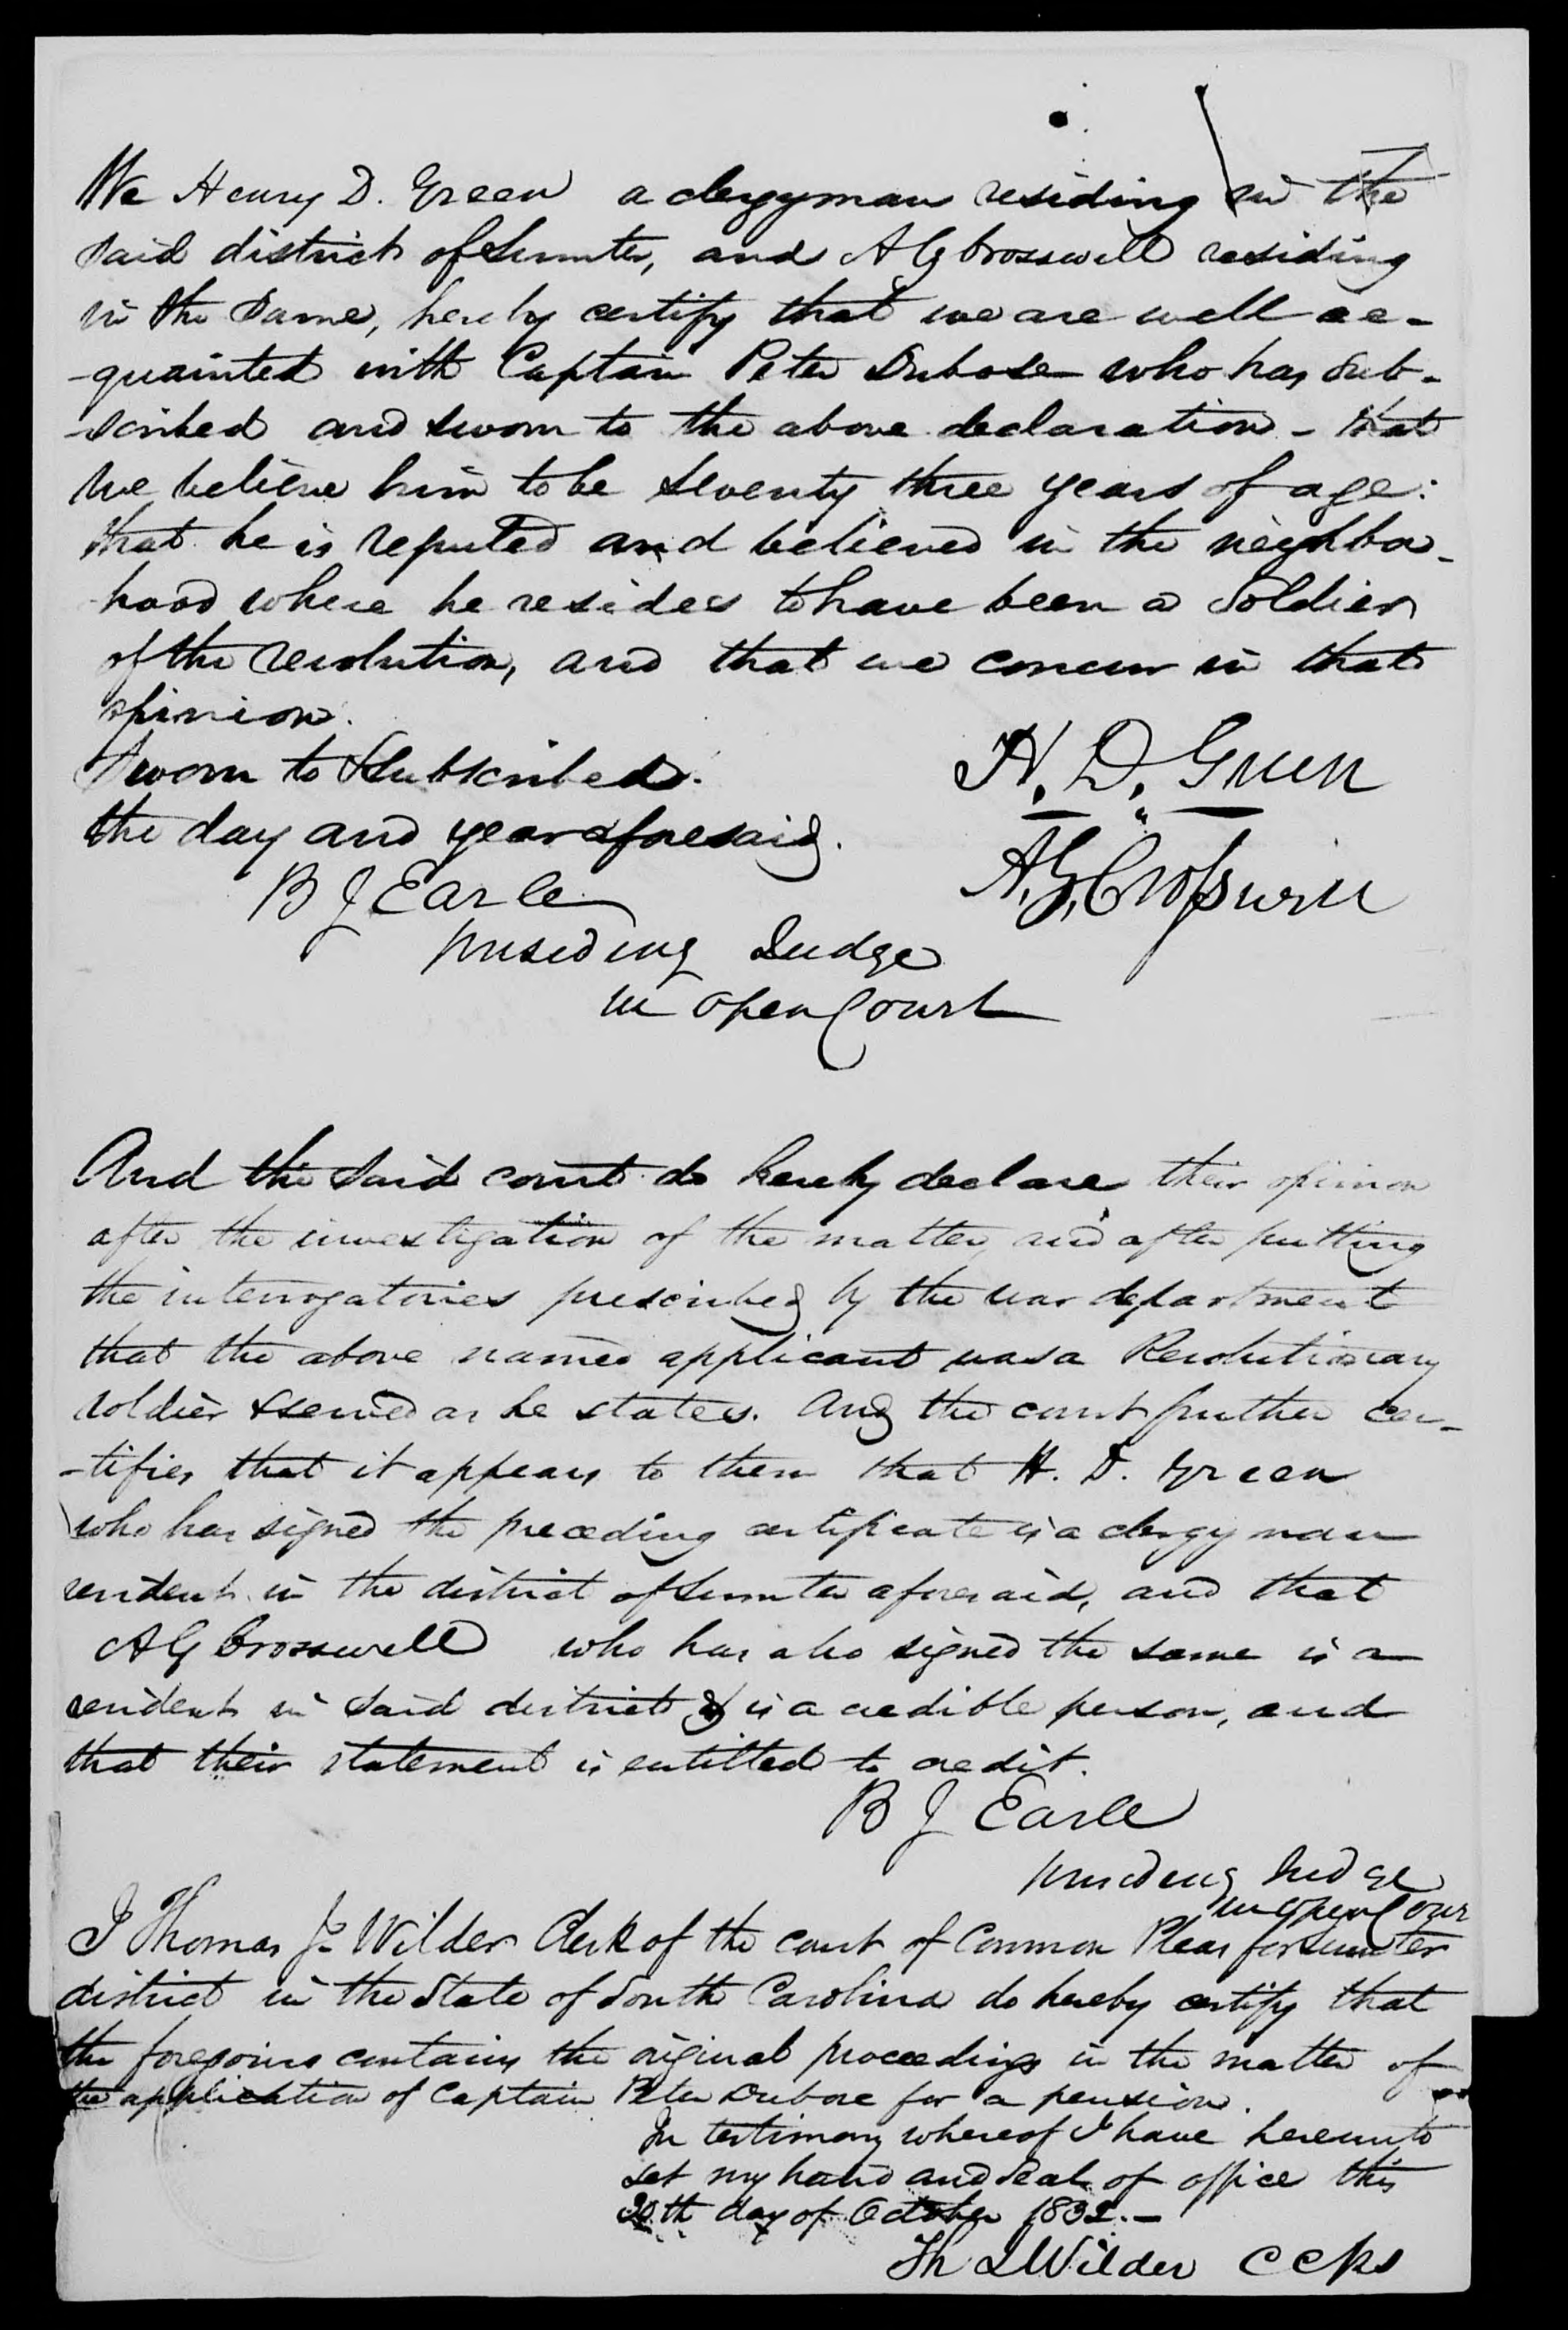We Henry D. Green  a clergyman  residing in the said District of Sumter, and  A G Crosswill residing in the same, hereby certify that we are well acquainted with  Captain Peter Dubose who has subscribed and sworn to the above declaration - that we believe him to be seventy three years of age , that he is reputed and believed in the neighborhood where he resides  to have been a soldier of the revolution and that we concur in that opinion. H. D. Green ( signed ) A.G. Crosswill ( signed ) Sworn to  & subscribed the day and year aforesaid. B J Earle  ( signed ) presiding Judge in open Court.  And the Court do hereby declare their opinion after the investigation of the matter and after putting the interrogatories prescribed by the war department that the above named applicant was a revolutionary soldier and served as he states, And the Court further certifies that it appears to them that  H. D. Green  who has signed the preceding  certificate is a clergyman  resident in the District of Sumter , and that A G Crosswill who has also signed the same is a resident in said District  & is a credible person , and that their statement is entitled to credit. B J Earle ( signed ) presiding Judge  in open Court .  I Thomas J . Wilder clerk of the Court of Common Pleas   for Sumter District in the State of South Carolina do hereby certify that the foregoing contains the original proceedings in the matter of the application of Captain Peter Dubose  for a pension. In testimony whereof  I have hereunto set my hand and seal of office this 20th day of October 1832. Th J Wilder ( signed / sealed ) CCPs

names: A G Crosswill, H D Green, H D Green, Thomas J Wilder, Th J Wilder, B J Earle, A G Crosswell, Peter Dubose, Peter Dubose, B J Earle, Henry D Green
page: 10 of 43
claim: survivor's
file: S. 21163, Peter Dubose, S.C.